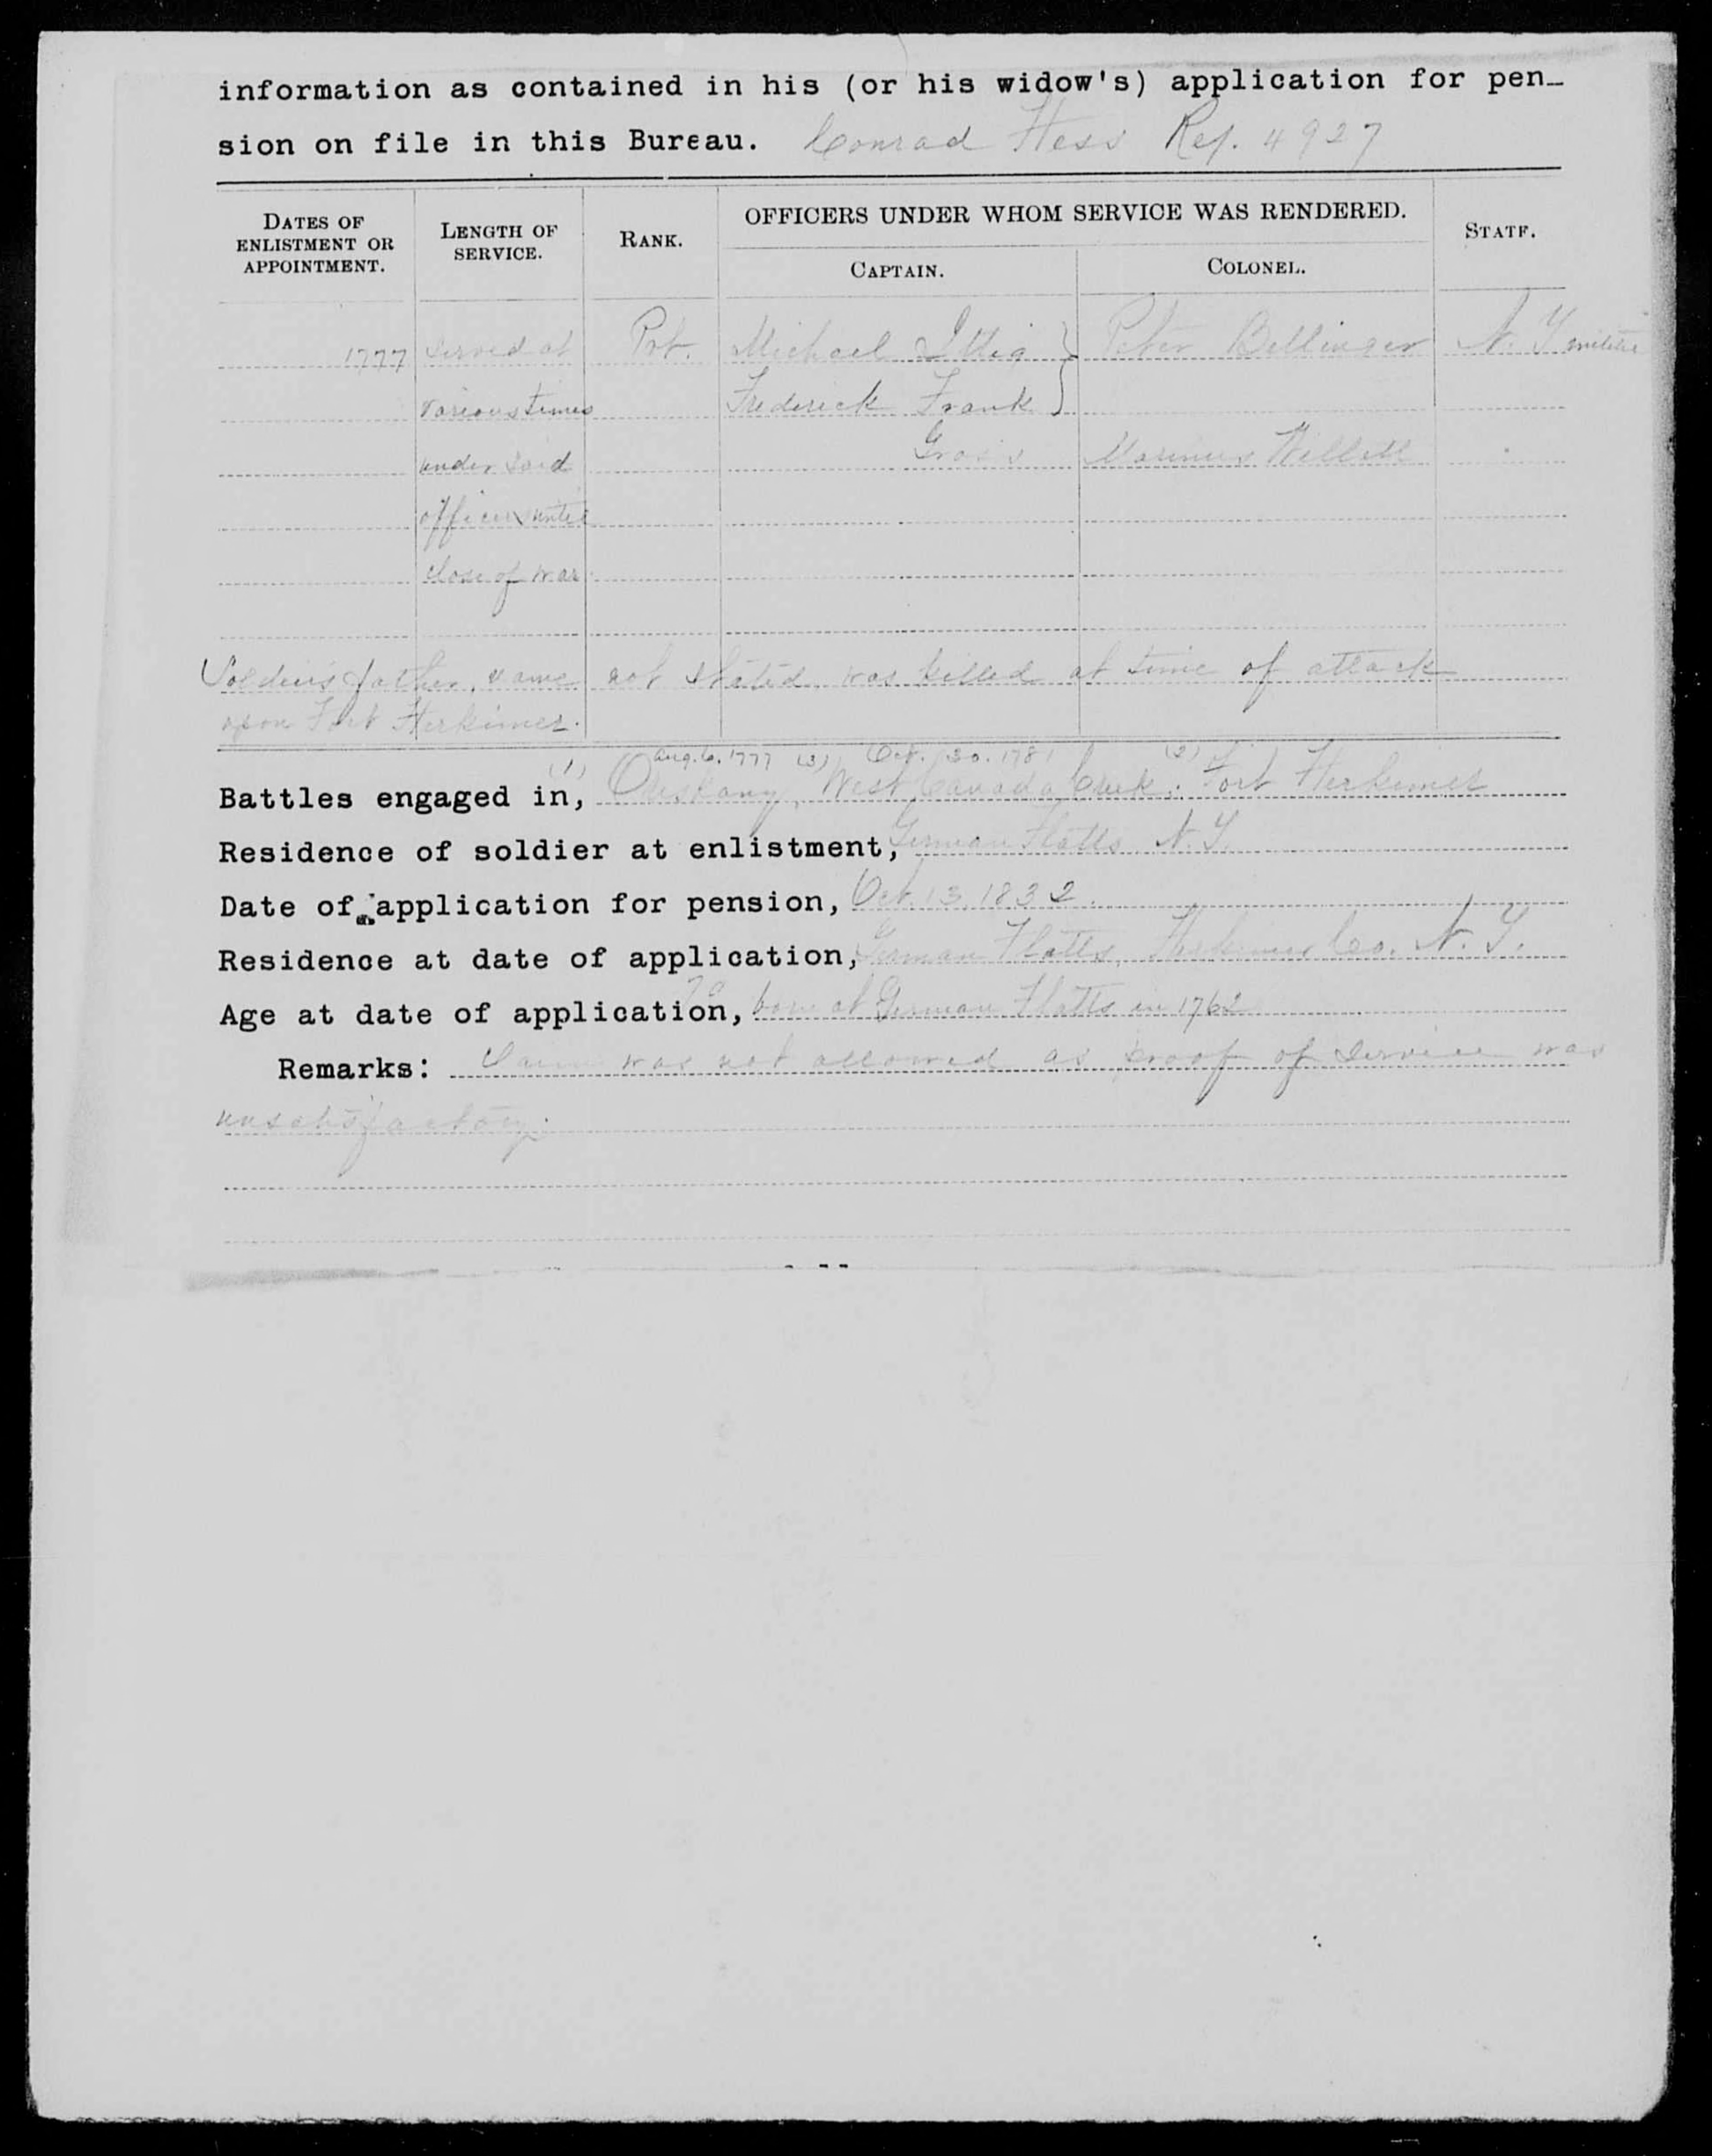[printed and handwritten]

information as contained in his (or his widow's) application for pension on file in this Bureau. Conrad Hess Ref. 4927

[columns]
DATES OF ENLISTMENT OR APPOINTMENT.
1777

LENGTH OF SERVICE.
served at various times under said officers until close of war

RANK.
Pvt.

OFFICERS UNDER WHOM SERVICE WAS RENDERED.
CAPTAIN. 
Michael Ittig } [,] Frederick Frank Gross }
COLONEL.
Peter Bellinger [,] Marinus Willett

STATE.
N. Y 

Soldier's father name not stated was killed at time of attack upon Fort Herkimer

Battles engaged in, (1) Oriskany Aug. 6. 1777, (3) West Canada Creek Oct. 30. 1781, (2) Fort Herkimer
Residence of soldier at enlistment, German Flatts N. Y.
Date of application for pension, Oct. 13, 1832
Residence at date of application, German Flatts, Herkimer Co. N.Y.
Age at date of application, 70 born at German Flatts in 1762
Remarks: [?] was not allowed as proof of service was unsatisfactory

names: Peter Bellinger, Green, Conrad Hess, Frederick Frank, Michael Ittig, Marinus Willett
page: 17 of 30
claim: rejected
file: R. 4927, Conrad Hess, New York